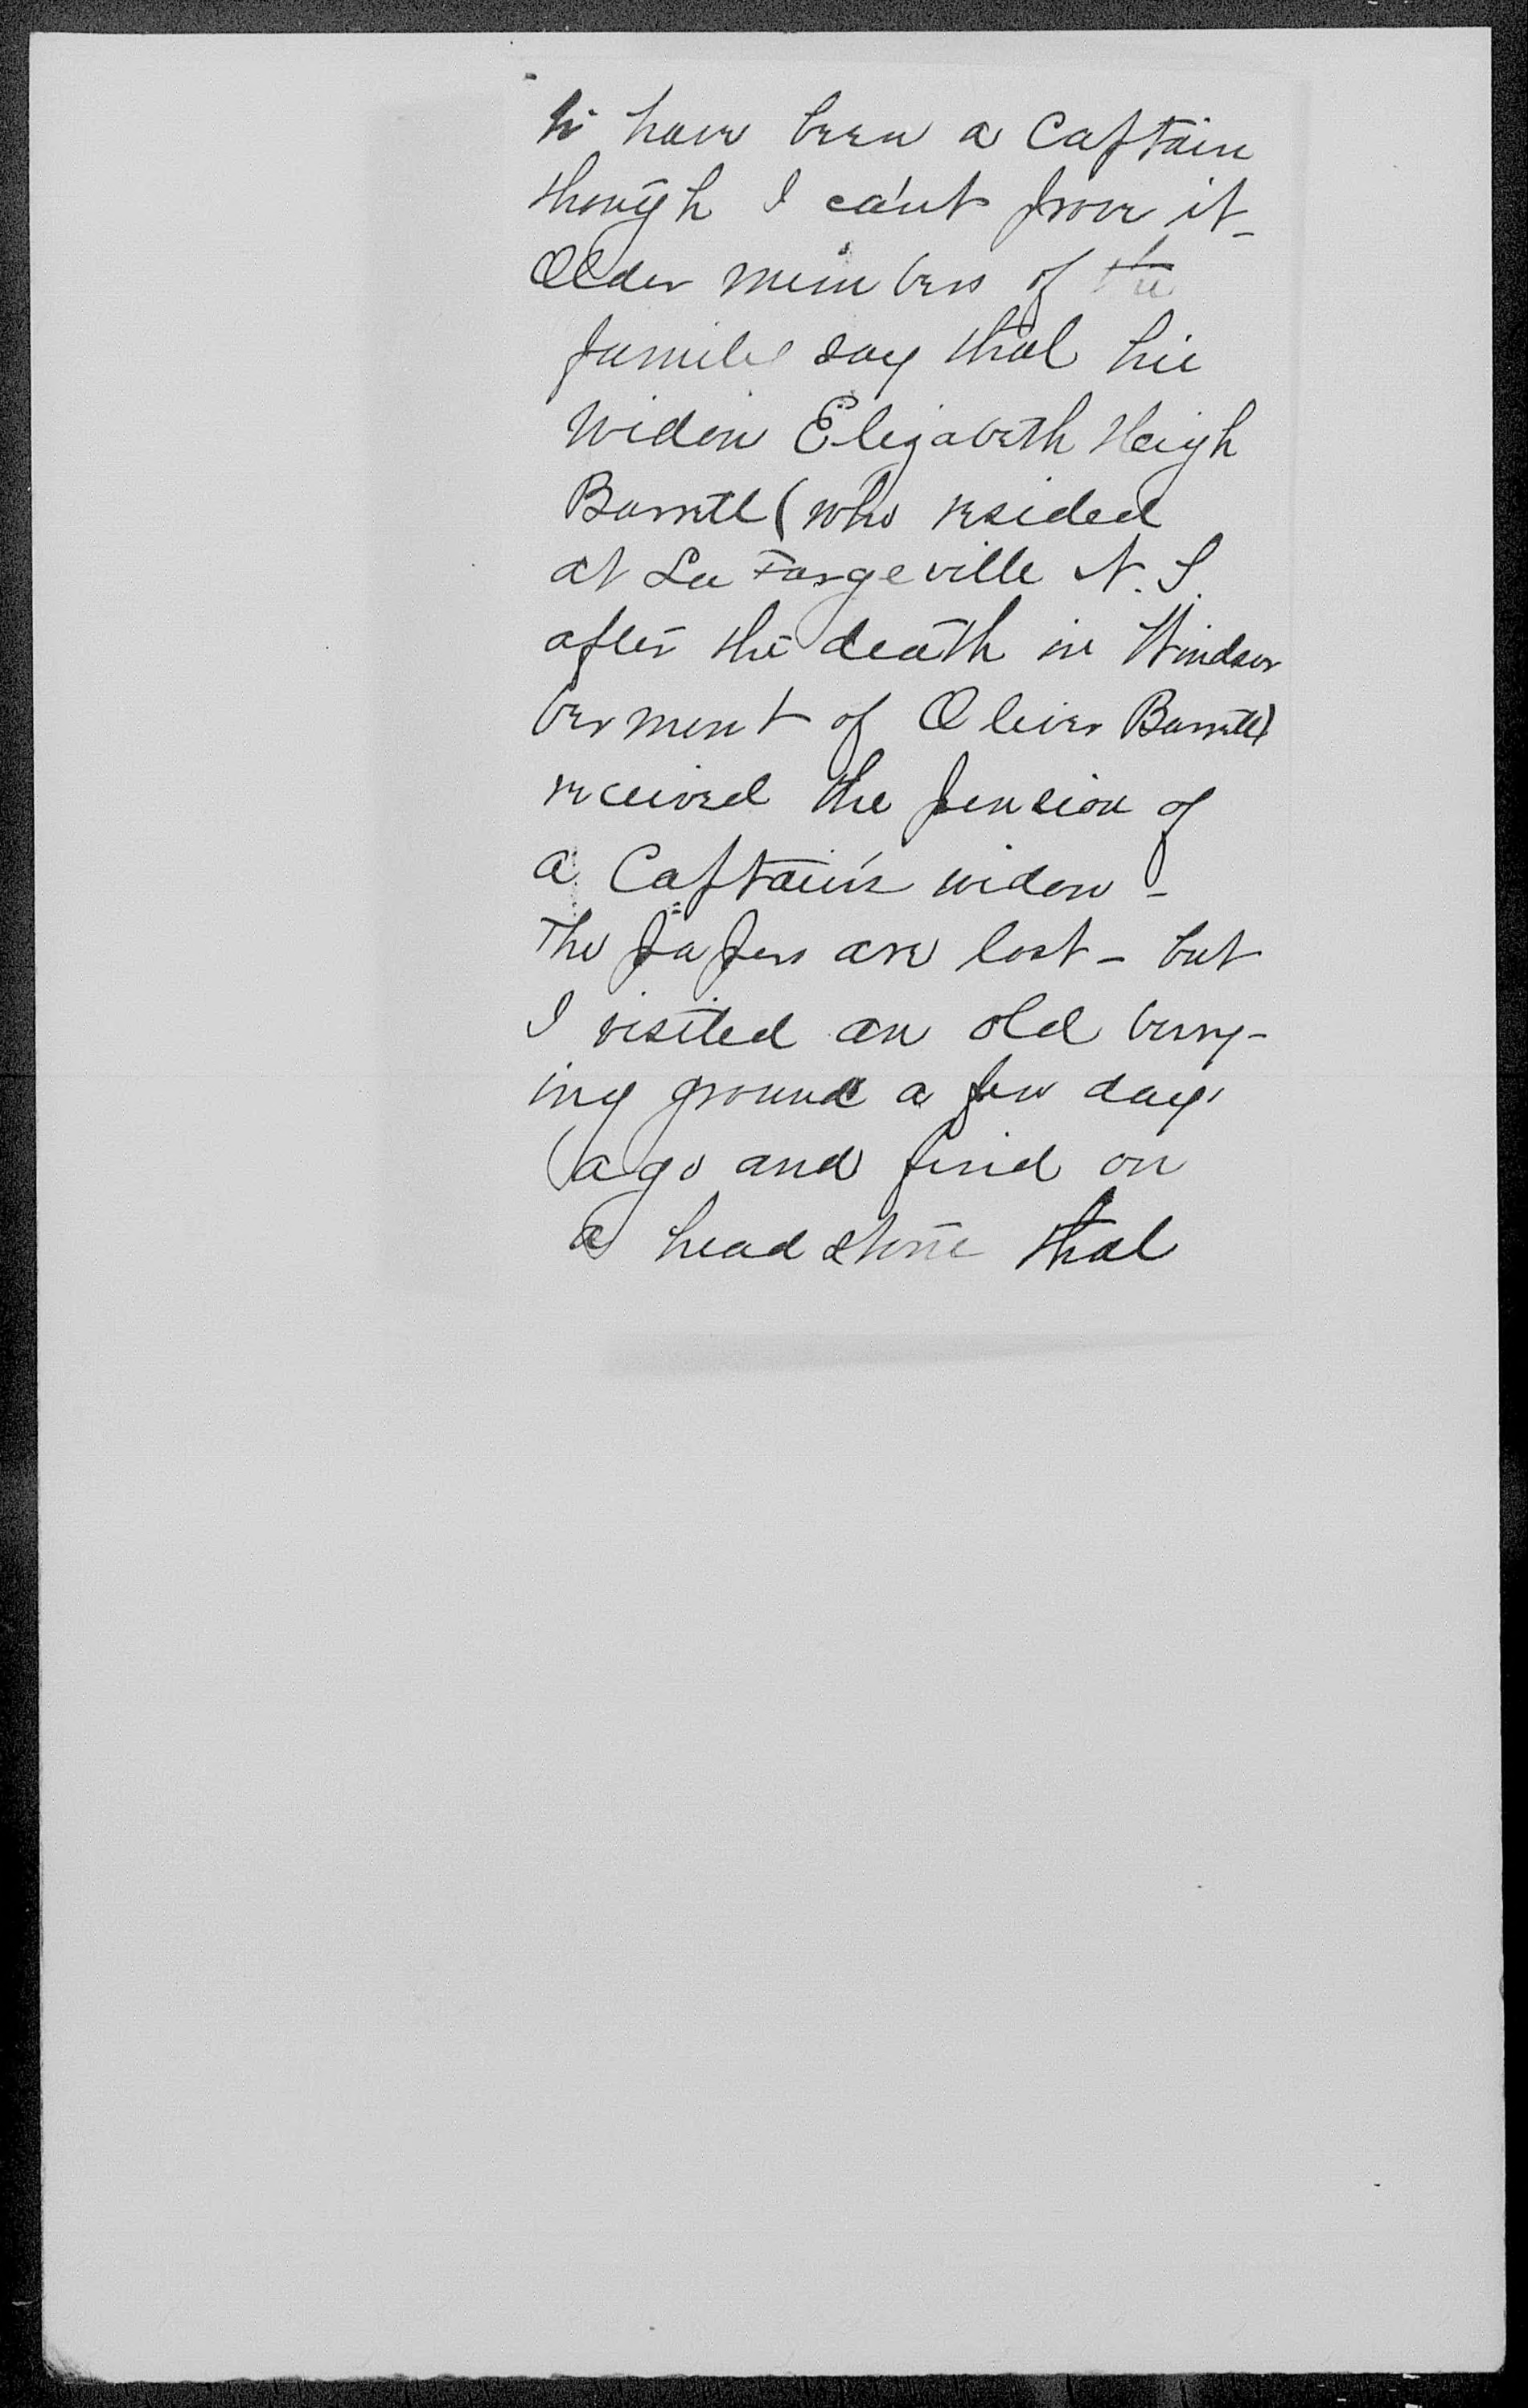have been a captain though I can't prove it. Older members of the family say that his widow Elizabeth Heigh Barrett (who resided at LaForgeville N.Y. after the death in Windsor Vermont of Oliver Barrett) received the pension of a Captain's widow. The papers are lost but I visited an old burying ground a few days ago and find on a head stone that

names: Oliver Barrett, Elizabeth Heigh Barrett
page: 72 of 83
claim: widow's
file: W. 10,384, Oliver Barrett, Continental (Vt.) N.Y.